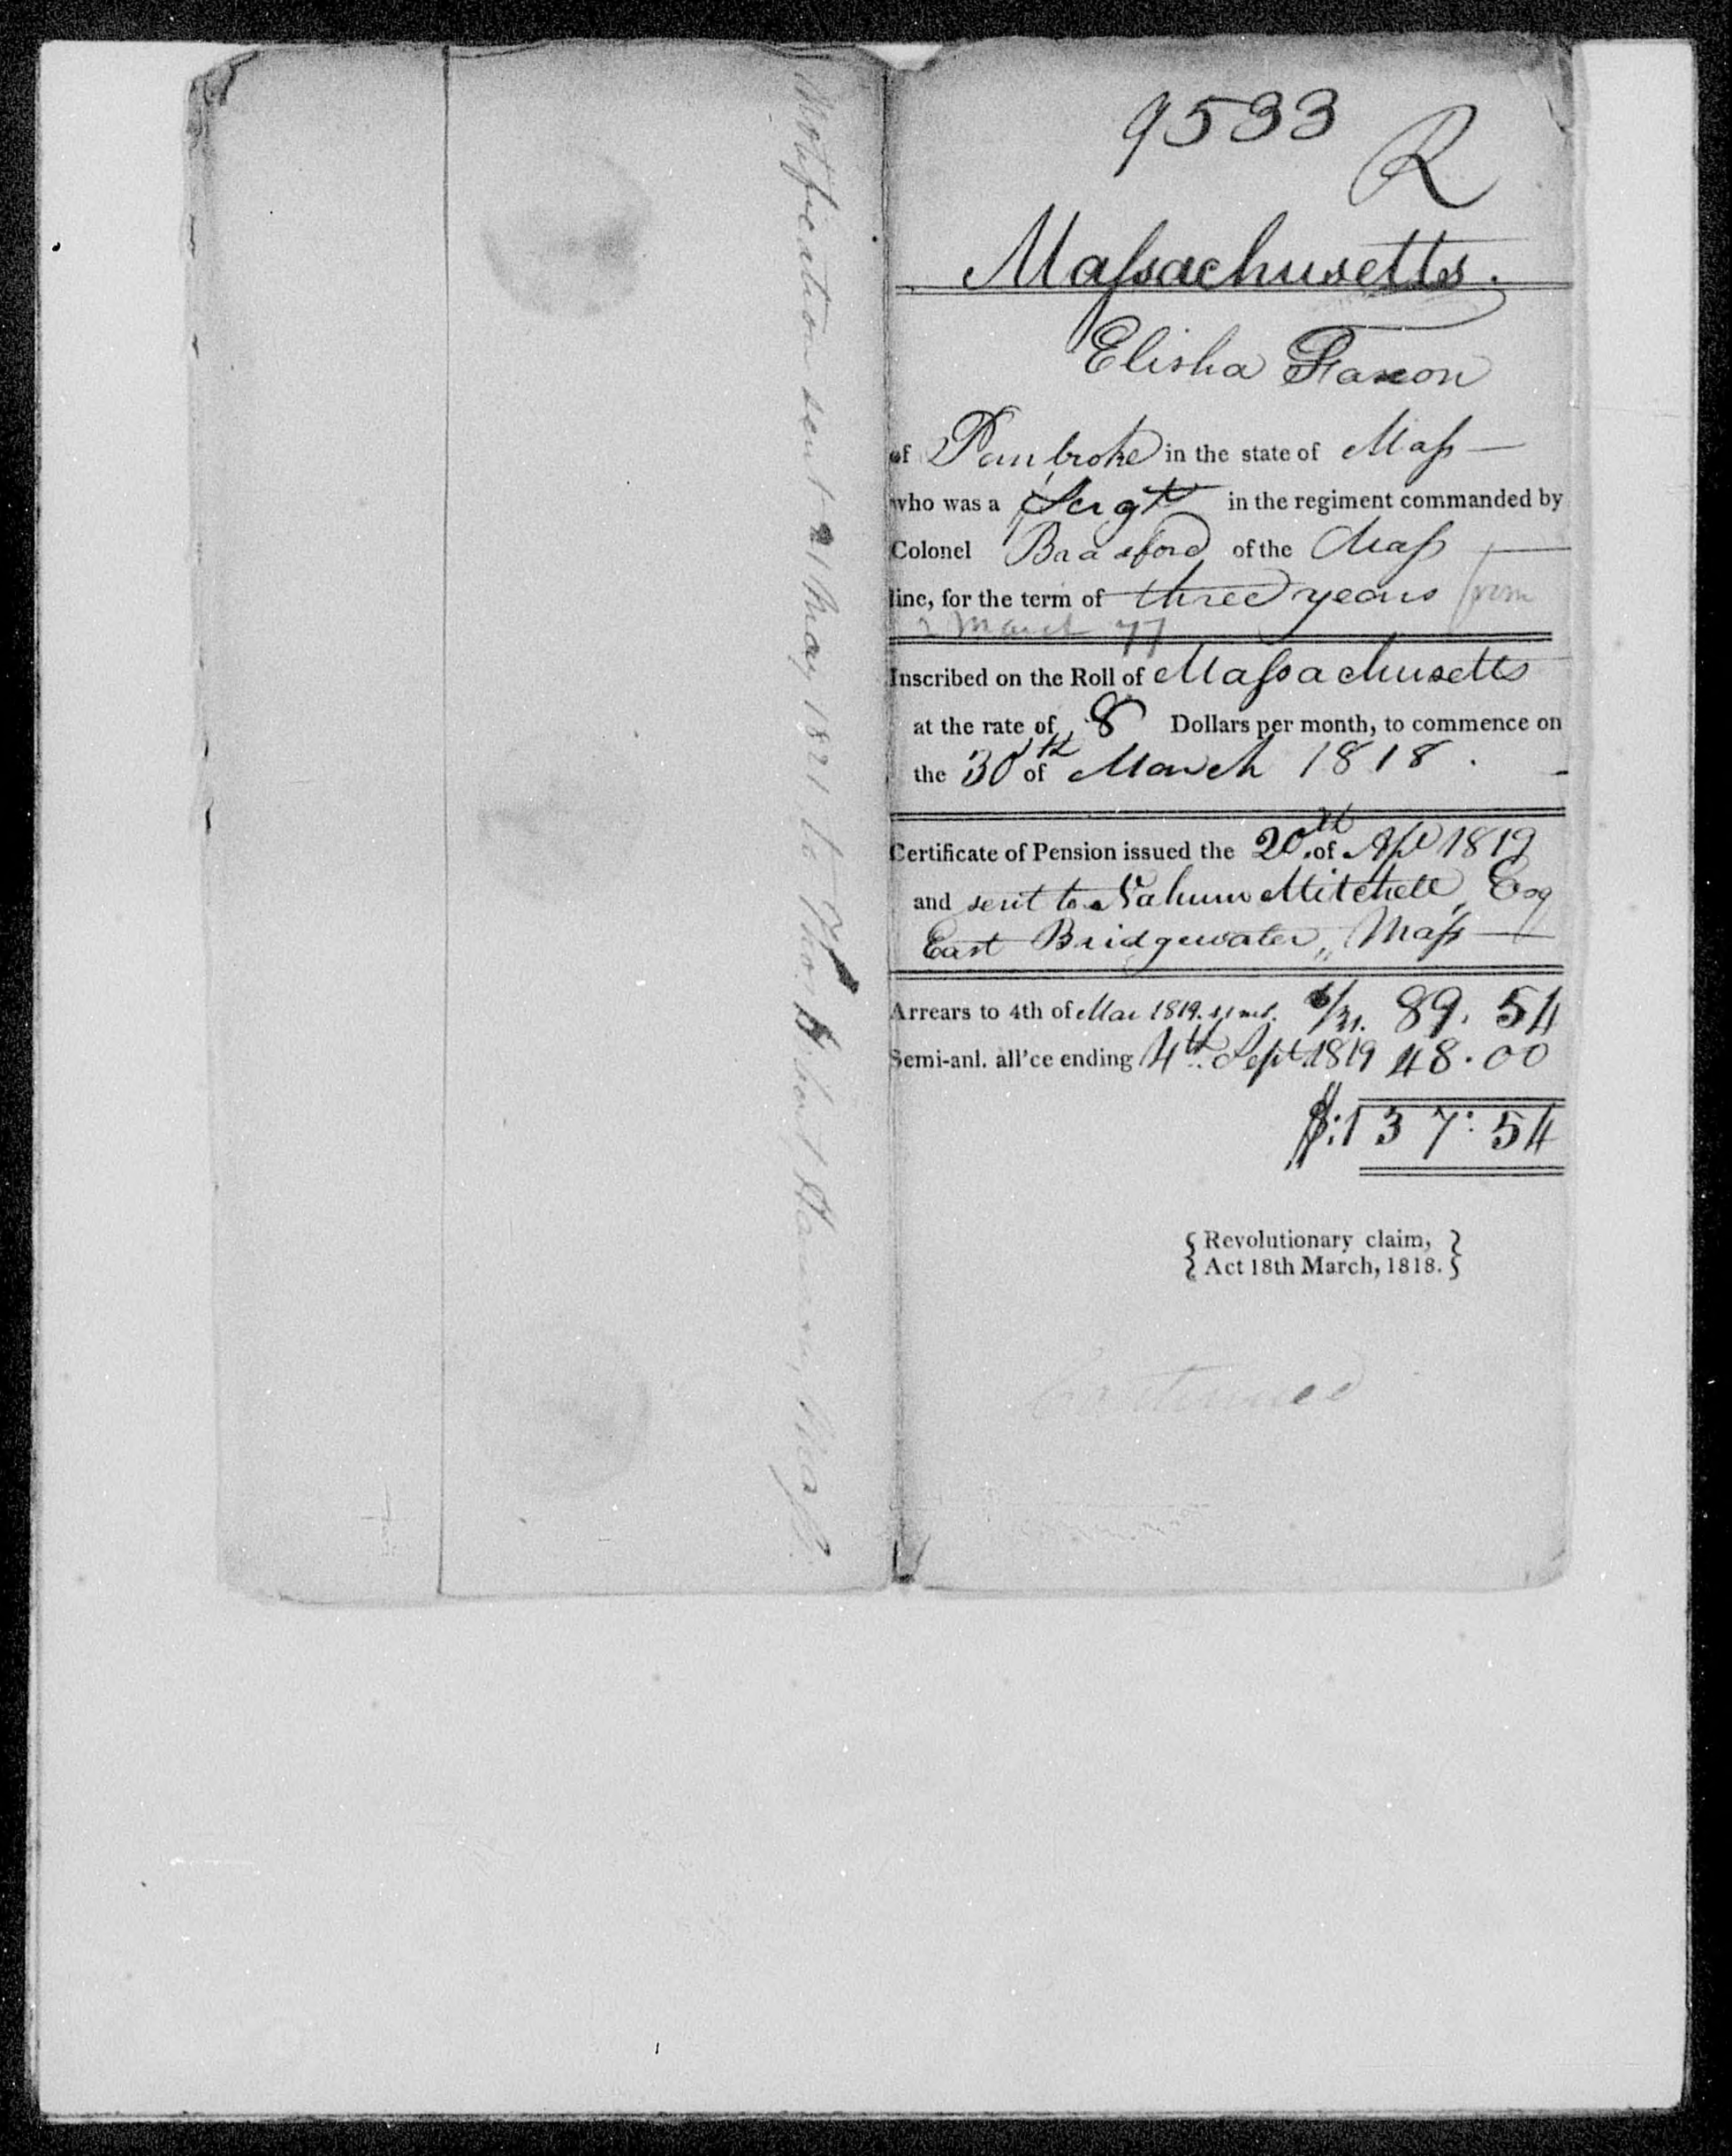9533
Massachusetts
Elisha Faxon of Pembroke in the state of Mass- who was a Srgt. in the regiment commanded by Colonel Bradford of the Mass line for the term of three years from March 1777
Inscribed on the Roll of Massachusetts at the rate of 8 dollars per month to commence on the 30th of March 1818.
Certificate of Pension issued the 20th of April 1819 and sent to Salomon Mitchell Esq., East Bridgewater, Mass.
Arrears to 4th of March 1819 (illegible) $89.54
Semi-anl. all'ce ending 4th Sept 1819 $48.00
$137.54
Revolutionary claim, Act 18th March, 1818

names: Nahum Mitchell, Elisha Faxon, Thos Hobert, Bradford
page: 2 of 47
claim: widow's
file: W. 14703, Elisha Faxon, Mass